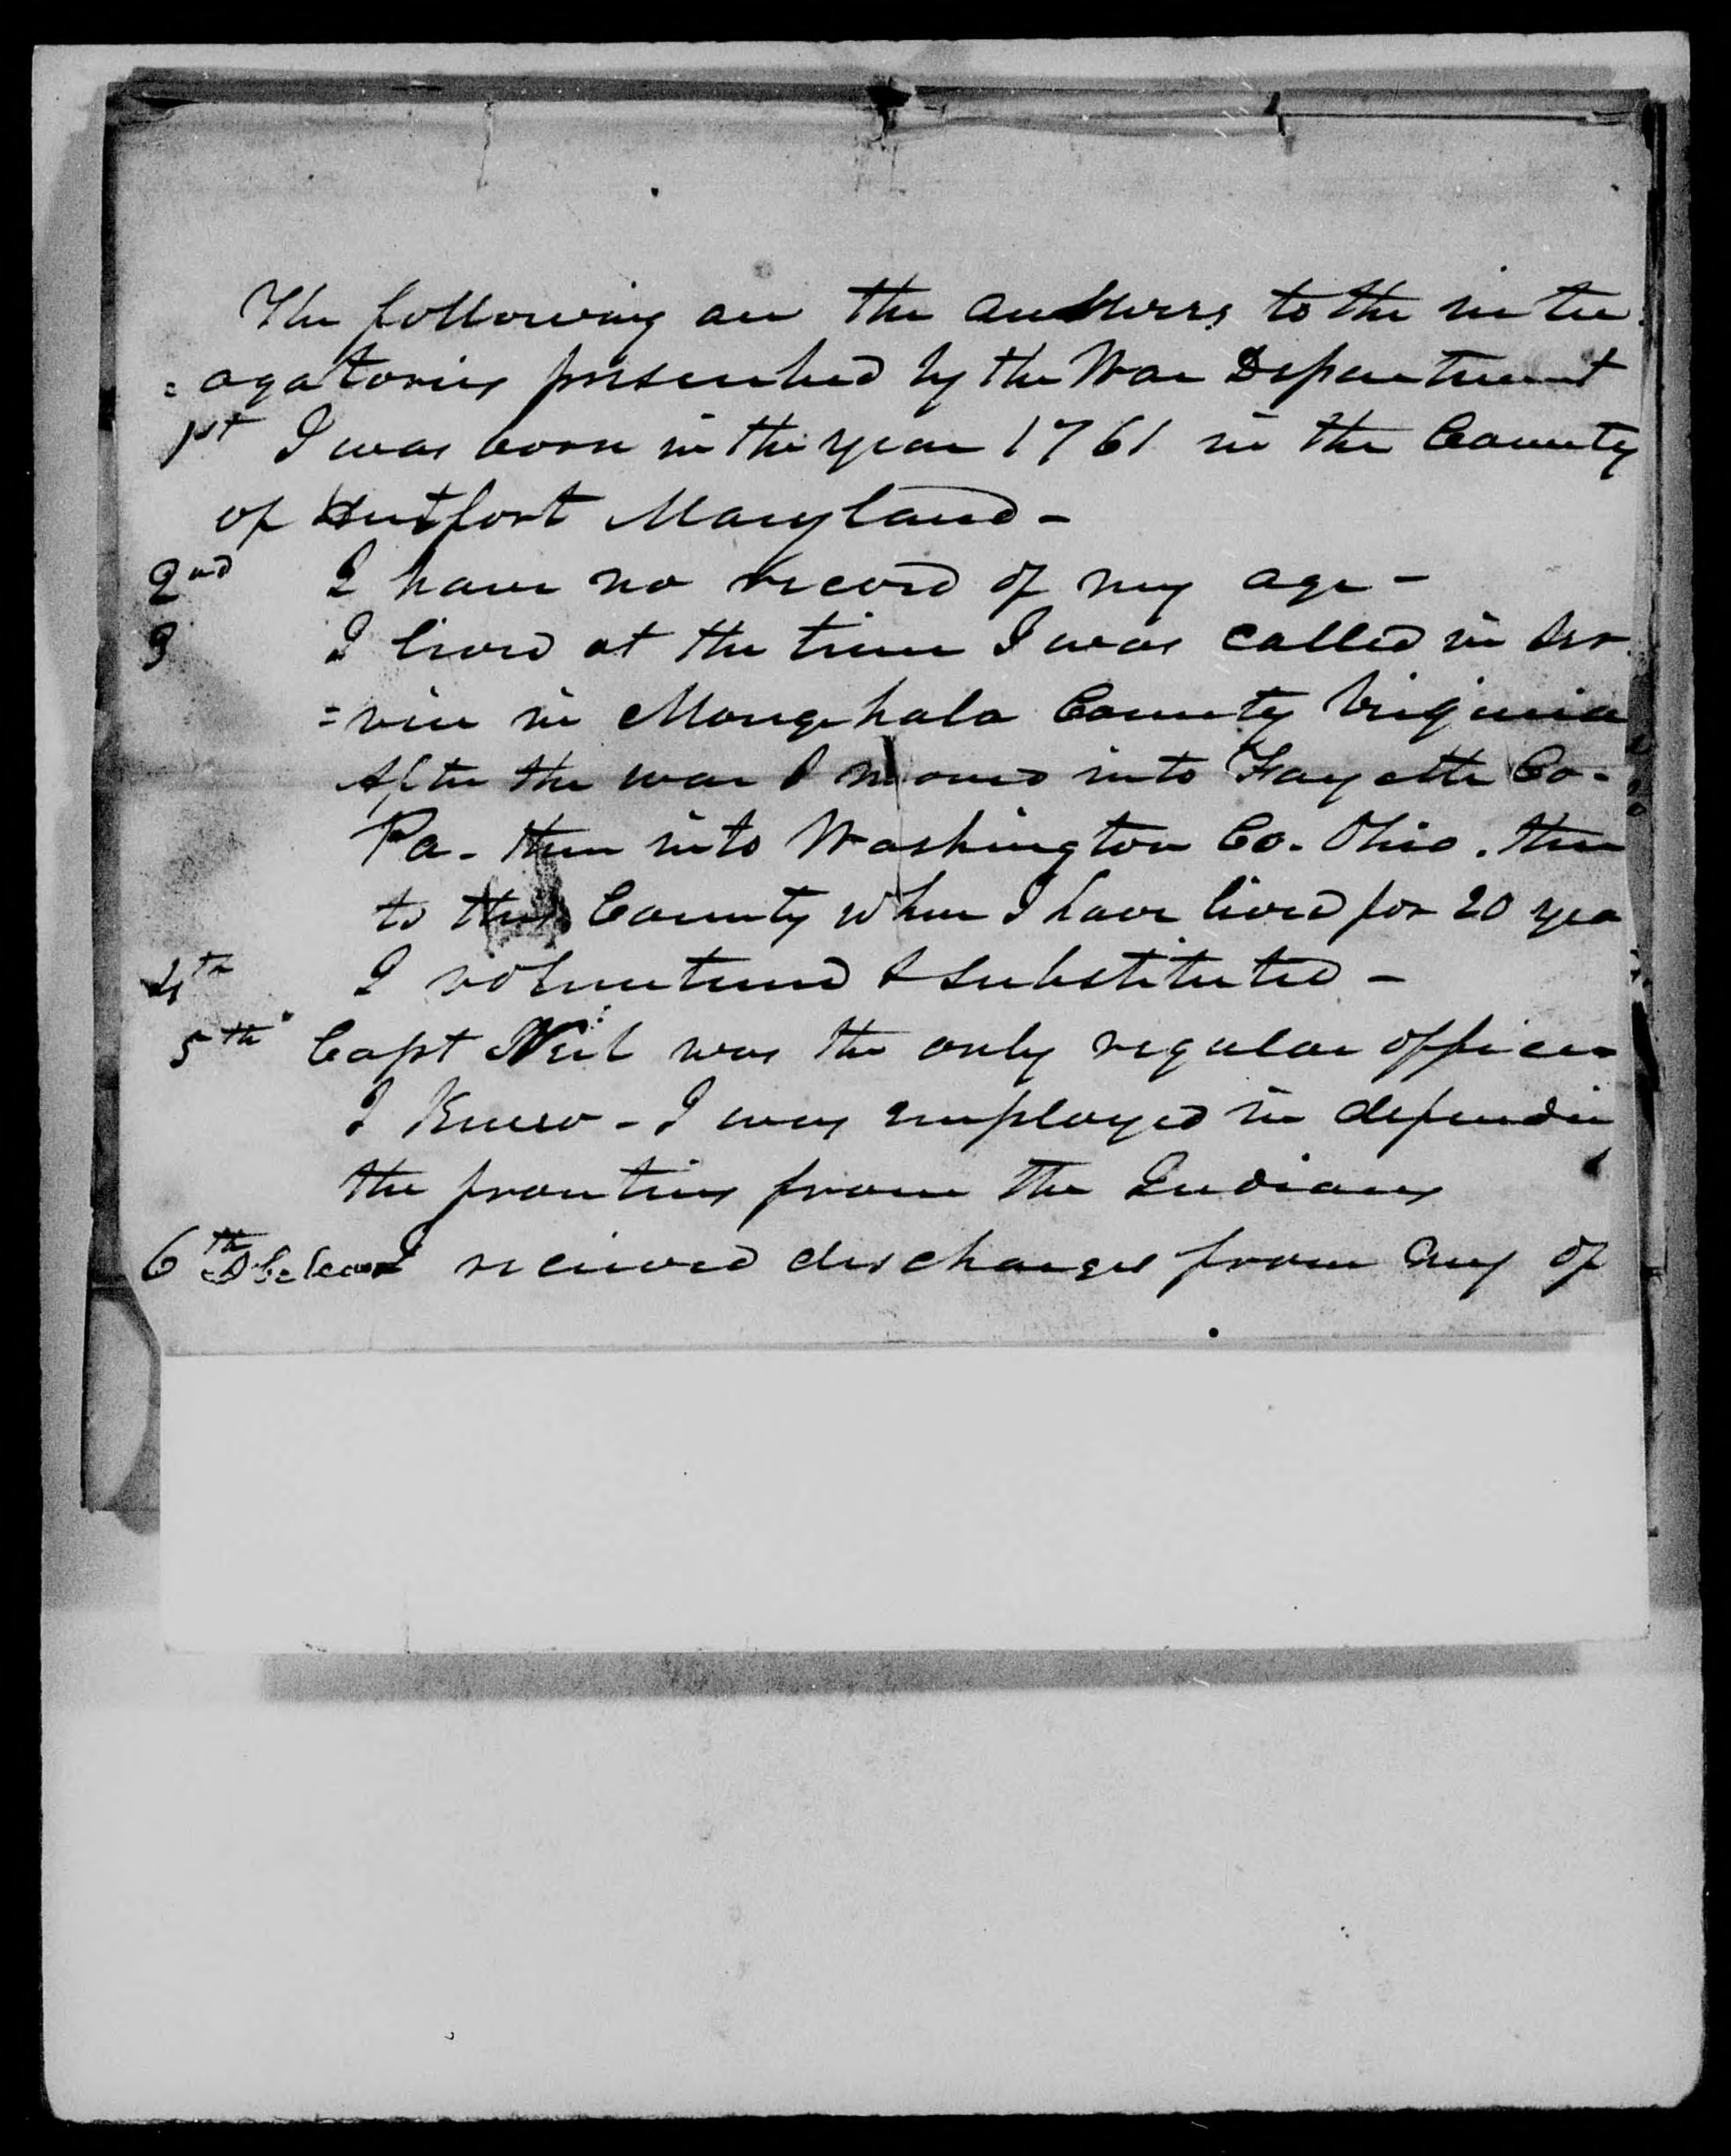The following are the answers to the interrogatories prescribed by the War Department 
1st I was born in the year 1761 in the County of Hertfort Maryland-
2nd I have no record of my age-
3 I lived at the time I was called in service in Mongahala County Virginia After the war I moved into Fayette Co. Pa. then into Washington Co. Ohio. then to the County where I have lived for 20 yrs
4th I volunteered & substituted-
5th Capt Neil was the only regular officer I knew - I was employed in defending the frontiers from the Indians
6th I believe received discharges from any of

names: Neil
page: 22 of 33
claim: survivor's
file: S. 9587, William Holson, Va.